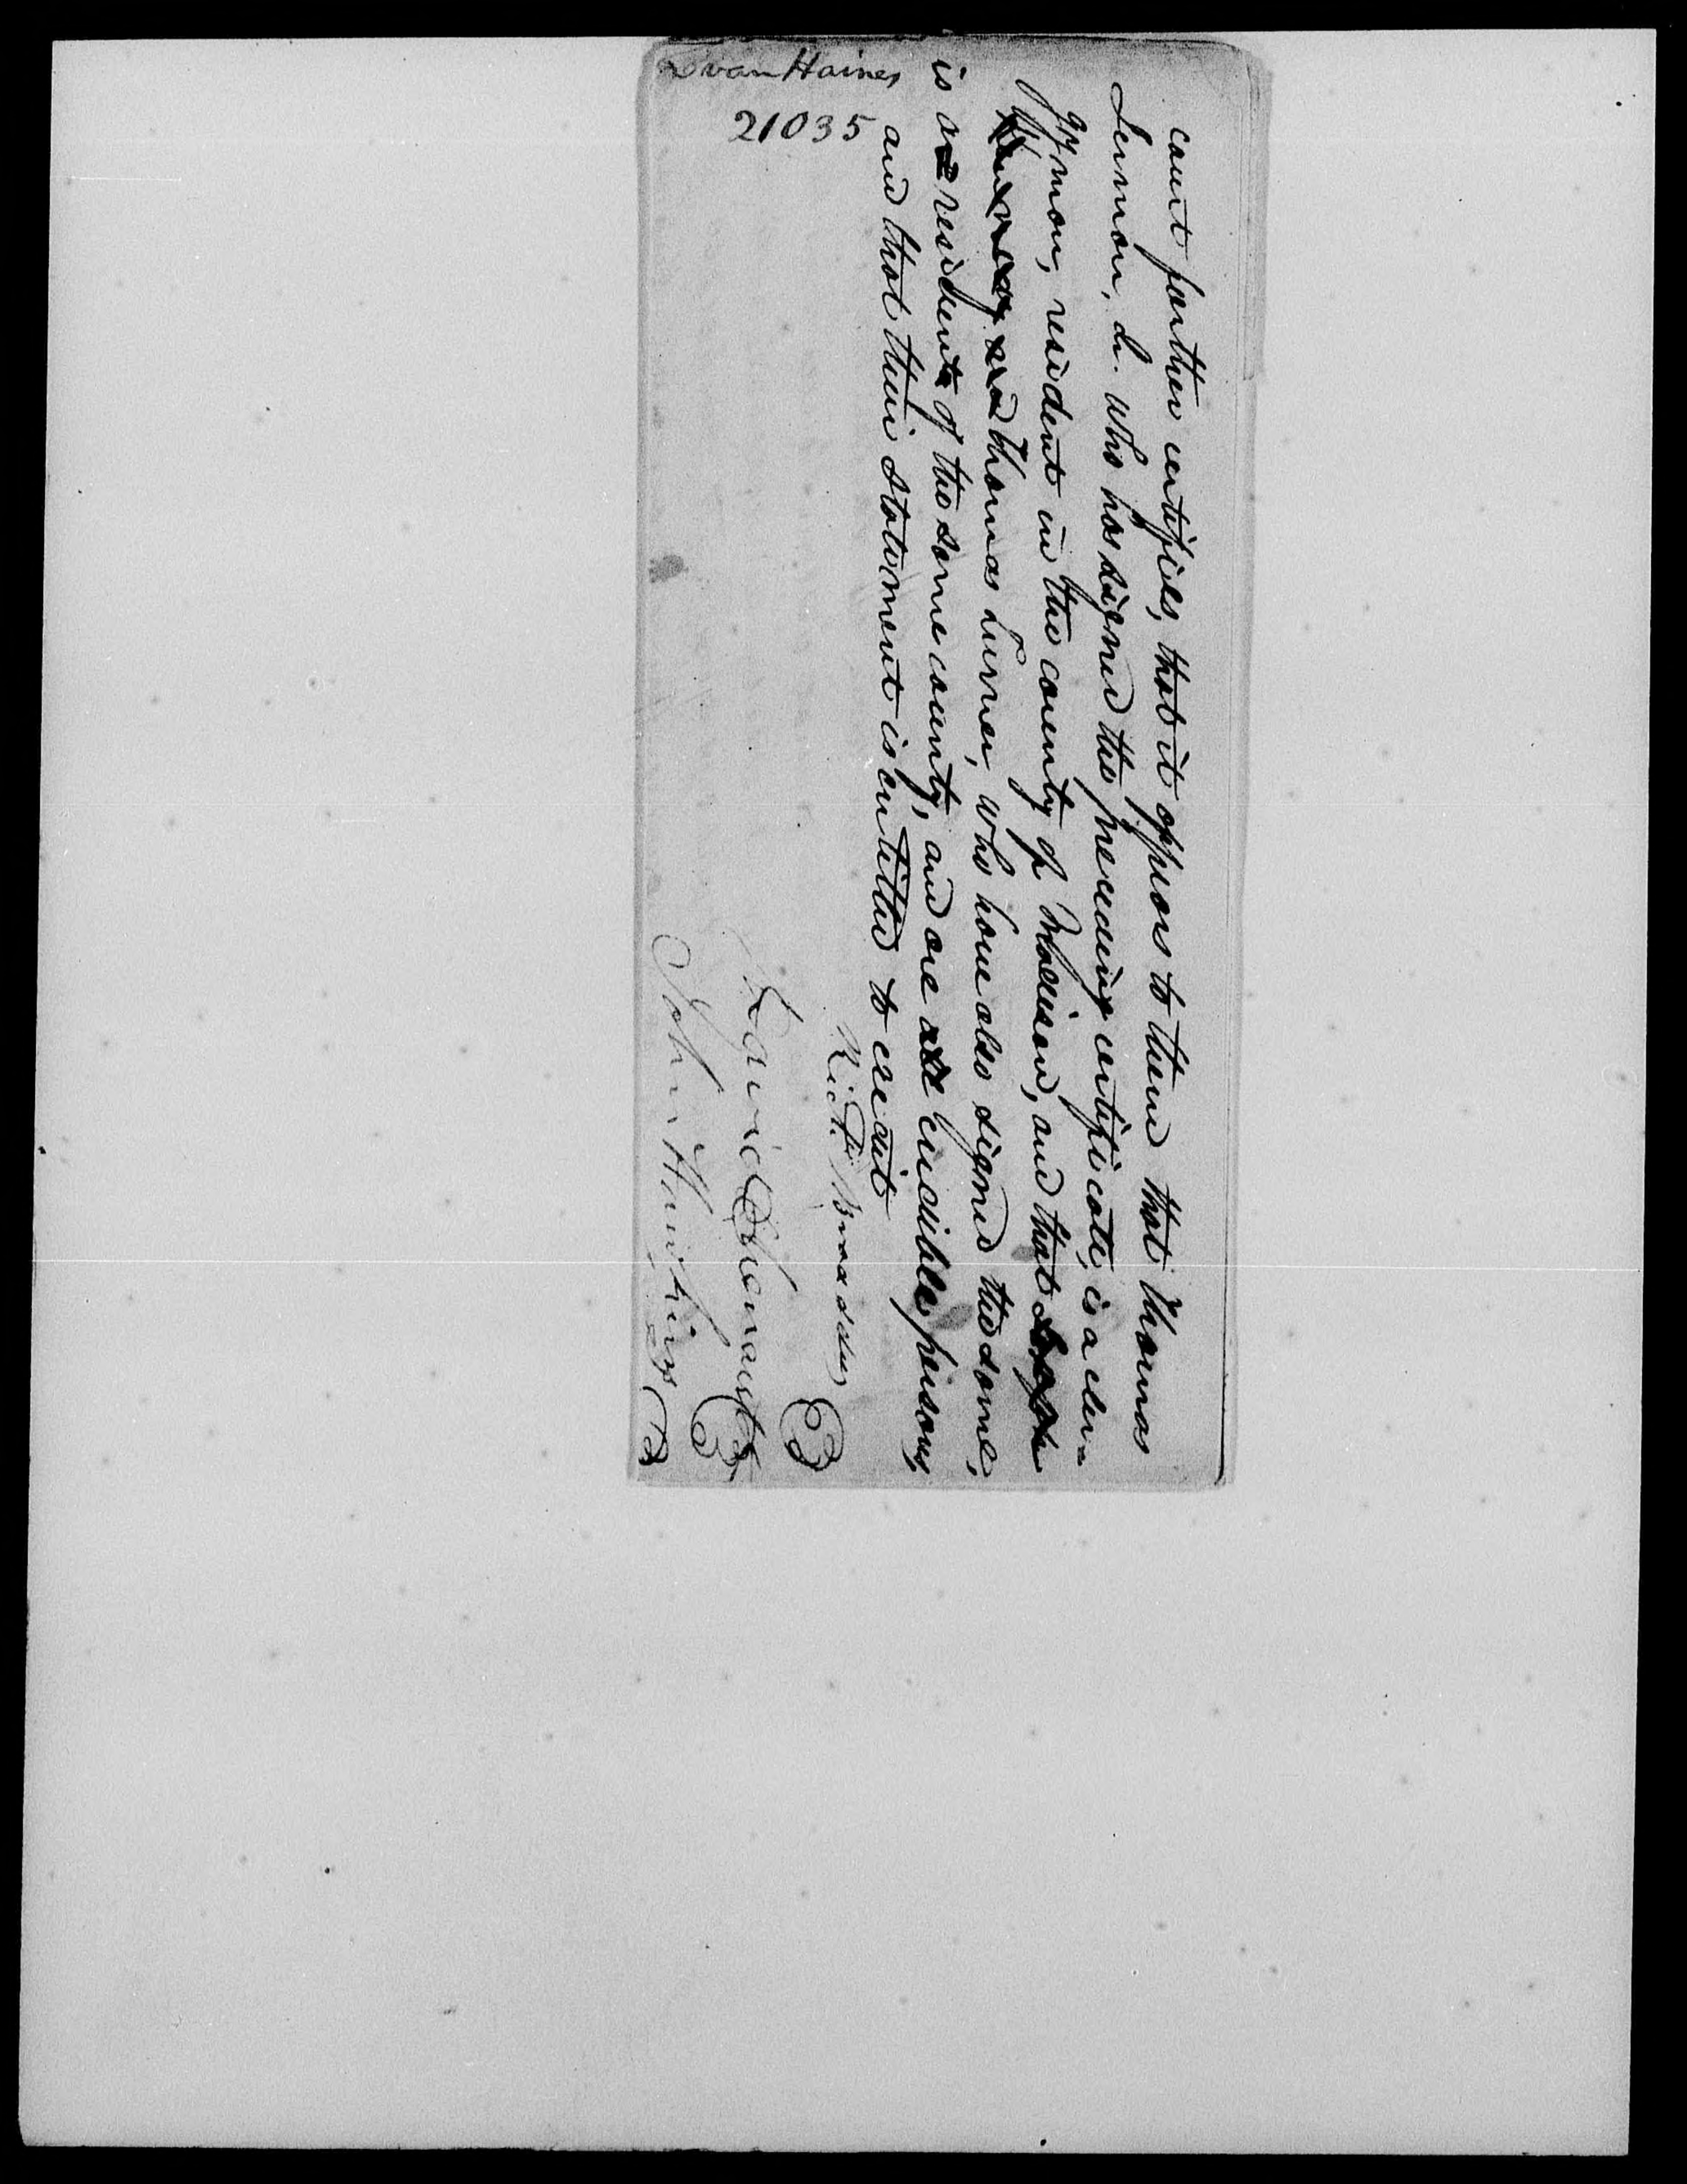court further certifies that it appears to them that Thomas [Jermon] sp, Jr. who has signed the preceding certificate is a, clergyman, resident in the county of Maddison, and that Thomas Turner who have also signed the same is a resident of this same county, and are credible persons, and that their statement is entitled to execute.
Evan Haines 21035
                                                 Rick Bradley
                                                 David Ghenarst
                                                 John Hawkins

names: David Chenault, John Hawkins, Evan Haines, Thomas Turner, Richd Broaddus, Joseph Kennedy, Thomas Jermon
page: 4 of 34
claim: widow's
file: W. 8897, Evan Haines, Ga